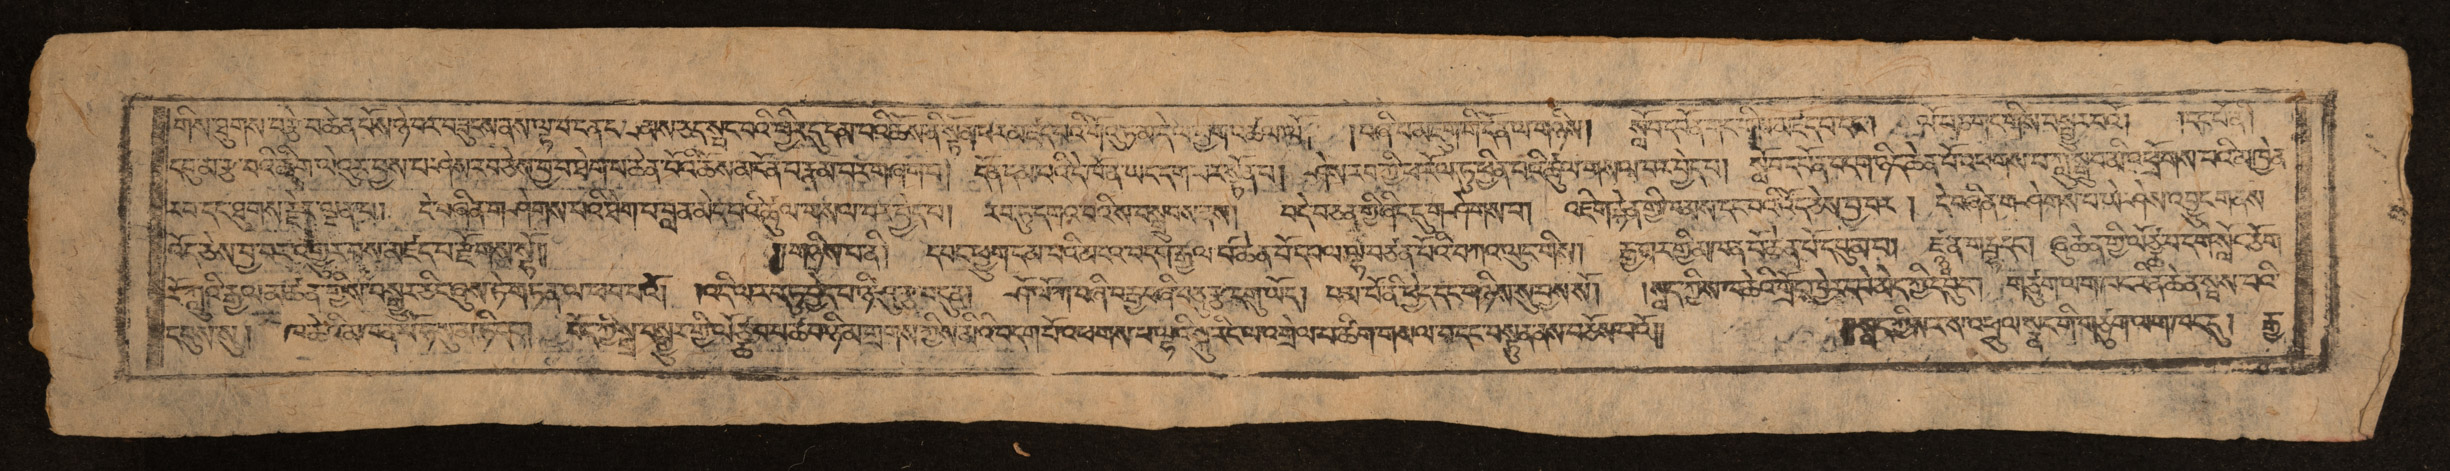གིས་ཐུགས་བརྩེ་བ་ཆེན་པོས་ཉེ་བར་བཟུངས་ནས་ལྟ་བ་ངན་པ་ཐམས་ཅད་སྤང་པའི་ཕྱིར་དུ་དམ་པའི་ཆོས་ནི་སྟོ་པར་མཛད་པའི་གོའུ་ཏ་མ་དེ་ལ་ཕྱག་འཚལ་ལོ། །བཞི་པ་མཇུག་གི་དོན་ལ་གཉིས། སློབ་དཔོན་གང་གིས་མཛད་པ་དང་། ལོ་པཎ་གང་གིས་བསྒྱུར་བའོ། །དང་པོ་ནི།
དབུ་མ་རྩ་བའི་ཚིག་ལེའུར་བྱས་པ་ཤེས་རབ་ཅེས་བྱ་བ་ཐེག་པ་ཆེན་པོའི་ཆོས་མངོན་པ་རྣམ་པར་གཞག་པ། དོན་དམ་པའི་དེ་ཁོ་ན་ཡང་དག་པར་སྟོན་པ། ཤེས་རབ་ཀྱི་ཕ་རོལ་ཏུ་ཕྱིན་པའི་ཚུལ་གསལ་བར་བྱེད་པ། སློབ་དཔོན་བདག་ཉིད་ཆེན་པོ་འཕགས་པ་ཀླུ་སྒྲུབ་མི་འཕྲོགས་པའི་མཁྱེན་
རབ་དང་ཐུགས་རྗེར་ལྡན་པ། དེ་བཞིན་གཤེགས་པའི་ཐེག་པ་བླ་ན་མེད་པའི་ཚུལ་གསལ་བར་བྱེད་པ། རབ་ཏུ་དགའ་བའི་ས་བསྒྲུབས་ནས། བདེ་བ་ཅན་གྱི་ཞིང་དུ་གཤེགས་པ། འཇིག་རྟེན་གྱི་ཁམས་དང་བའི་འོད་ཅེས་བྱ་བར། དེ་བཞིན་གཤེགས་པ་ཡེ་ཤེས་འབྱུང་གནས་
འོད་ཅེས་བྱ་བར་འགྱུར་བས་མཛད་པ་རྫོགས་ཤོ།། །།གཉིས་པ་ནི། དབང་ཕྱུག་དམ་པའི་མངའ་བདག་རྒྱལ་པོ་ཆེན་པོ་དཔལ་ལྷ་བཙན་པོའི་བཀའ་ལུང་གིས། རྒྱ་གར་གྱི་མཁན་པོ་ཆེན་པོ་དབུ་མ་པ། ཛྙཱ་ན་གརྦྷ་དང་། ཞུ་ཆེན་གྱི་ལོཙྪ་བ་དགེ་སློང་ཅོག་
རོ་ཀླུའི?་རྒྱལ་མཚན་གྱིས་བསྒྱུར་ཅིང་ཞུས་ཏེ་གཏན་ལ་ཕབ་པའོ། །འདི་ལ་རབ་ཏུ་བྱེད་པ་ཉི་ཤུ་རྩ་བདུན། ཤོ་ལོ་ཀ་བཞི་བརྒྱ་བཞི་བཅུ་རྩ་དགུ་ཡོད། བམ་པོ་ནི་ཕྱེད་དང་གཉིས་སུ་བྱས་སོ། །སླད་ཀྱིས་ཁ་ཆེའི་གྲོང་ཁྱེར་དཔེ་མེད་ཀྱི་དཔུང་། གཙུག་ལག་ཁང་རིན་ཆེན་སྦས་པའི་
དབུས་སུ། ཁ་ཆེའི་མཁན་པོ་ཧ་སུ་མ་ཏི་དང་། བོད་ཀྱི་སྒྲ་བསྒྱུར་གྱི་ལོཙྪ་བ་པ་ཚ་བ་ཉི་མ་གྲགས་ཀྱིས་མིའི་བདག་པོ་འཕགས་པ་ལྷའི་སྐུ་རིང་ལ་འགྲེལ་པ་ཚིག་གསལ་བ་དང་བསྟུན་ནས་བཅོས་པའོ།། །།སླད་ཀྱིས་ར་ས་འཕྲུལ་སྣང་གི་གཙུག་ལག་ཁང་དུ། རྒྱ་